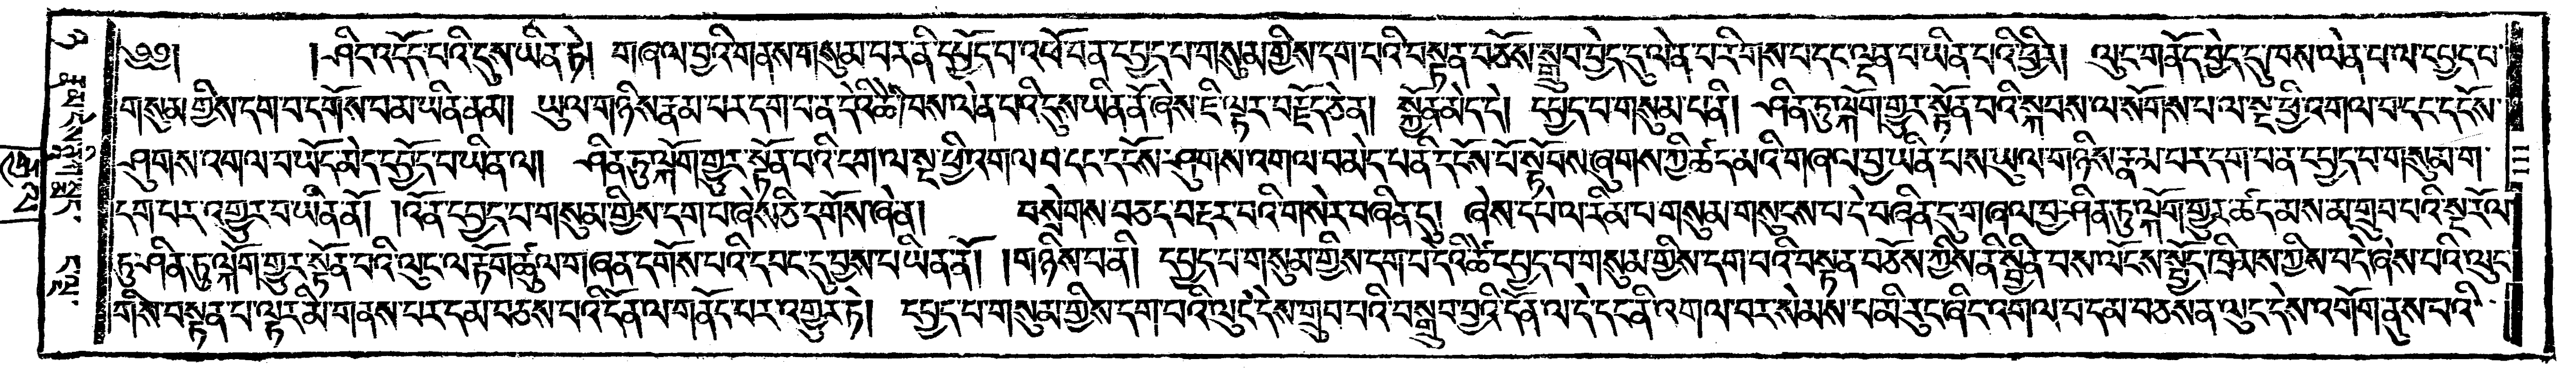༄༅། །ཤིང་འདོད་པའི་དུས་ཡིན་ཏེ། གཞལ་བྱའི་གནས་གསུམ་པར་ནི་དཔྱོད་པ་འཕོ་བ་ན་དཔྱད་པ་གསུམ་གྱིས་དག་པའི་བསྟན་བཅོས་སྒྲུབ་བྱེད་དུ་ལེན་པ་རིགས་པ་དང་ལྡན་པ་ཡིན་པའི་ཕྱིར། ལུང་གནོད་བྱེད་དུ་ཁས་ལེན་པ་ལ་དཔྱད་པ་
གསུམ་གྱིས་དག་བ་དགོས་པ་མ་ཡིན་ནམ། ཡུལ་གཉིས་རྣམ་པར་དག་པ་ན་དེའི་ཚེ་ཁས་ལེན་པའི་དུས་ཡིན་ནོ་ཞེས་ཇི་ལྟར་བརྗོད་ཅེ་ན། སྐྱོན་མེད་དེ། དཔྱད་པ་གསུམ་པ་ནི། ཤིན་ཏུ་ལྐོག་གྱུར་སྟོན་པའི་སྐབས་ལ་སོགས་པ་ལ་སྔ་ཕྱི་འགལ་བ་དང་དངོས་
ཤུགས་འགལ་བ་ཡོད་མེད་དཔྱོད་པ་ཡིན་ལ། ཤིན་ཏུ་ལྐོག་གྱུར་སྟོན་པའི་ངག་ལ་སྔ་ཕྱི་འགལ་བ་དང་དངོས་ཤུགས་འགལ་བ་མེད་པ་ནི་དངོས་པོ་སྟོབས་ཞུགས་ཀྱི་ཚད་མའི་གཞལ་བྱ་ཡིན་པས་ཡུལ་གཉིས་རྣམ་པར་དག་པ་ན་དཔྱད་པ་གསུམ་ག་
དག་པར་འགྱུར་བ་ཡིན་ནོ། །འོ་ན་དཔྱད་པ་གསུམ་གྱིས་དག་པ་ཞེས་ཅི་དགོས་ཞེ་ན། བསྲེགས་བཅད་བརྡར་བའི་གསེར་བཞིན་དུ། ཞེས་དཔེ་ལ་རིམ་པ་གསུམ་གསུངས་པ་དེ་བཞིན་དུ་གཞལ་བྱ་ཤིན་ཏུ་ལྐོག་གྱུར་ཚད་མས་མ་གྲུབ་པའི་སྔ་རོལ་
ཏུ་ཤིན་ཏུ་ལྐོག་གྱུར་སྟོན་པའི་ལུང་ལ་རྟོག་ཚུལ་གཞན་དགོས་པའི་དབང་དུ་བྱས་པ་ཡིན་ནོ། །གཉིས་པ་ནི། དཔྱད་པ་གསུམ་གྱིས་དག་པ་དེའི་ཚེ་དཔྱད་པ་གསུམ་གྱིས་དག་པའི་བསྟན་བཅོས་ཀྱིས་ནི་སྦྱིན་བས་ལོངས་སྤྱོད་ཁྲིམས་ཀྱིས་བདེ་ཞེས་པའི་ལུང་
གིས་བསྟན་པ་ལྟར་མི་གནས་པར་དམ་བཅས་པའི་དོན་ལ་གནོད་པར་འགྱུར་ཏེ། དཔྱད་པ་གསུམ་གྱིས་དག་པའི་ལུང་དེས་གྲུབ་པའི་བསྒྲུབ་བྱའི་དོན་ལ་དེ་དང་ནི་འགལ་བར་སེམས་པ་མི་རུང་ཞིང་འགལ་བ་དམ་བཅས་ན་ལུང་དེས་འགོག་ནུས་པའི་